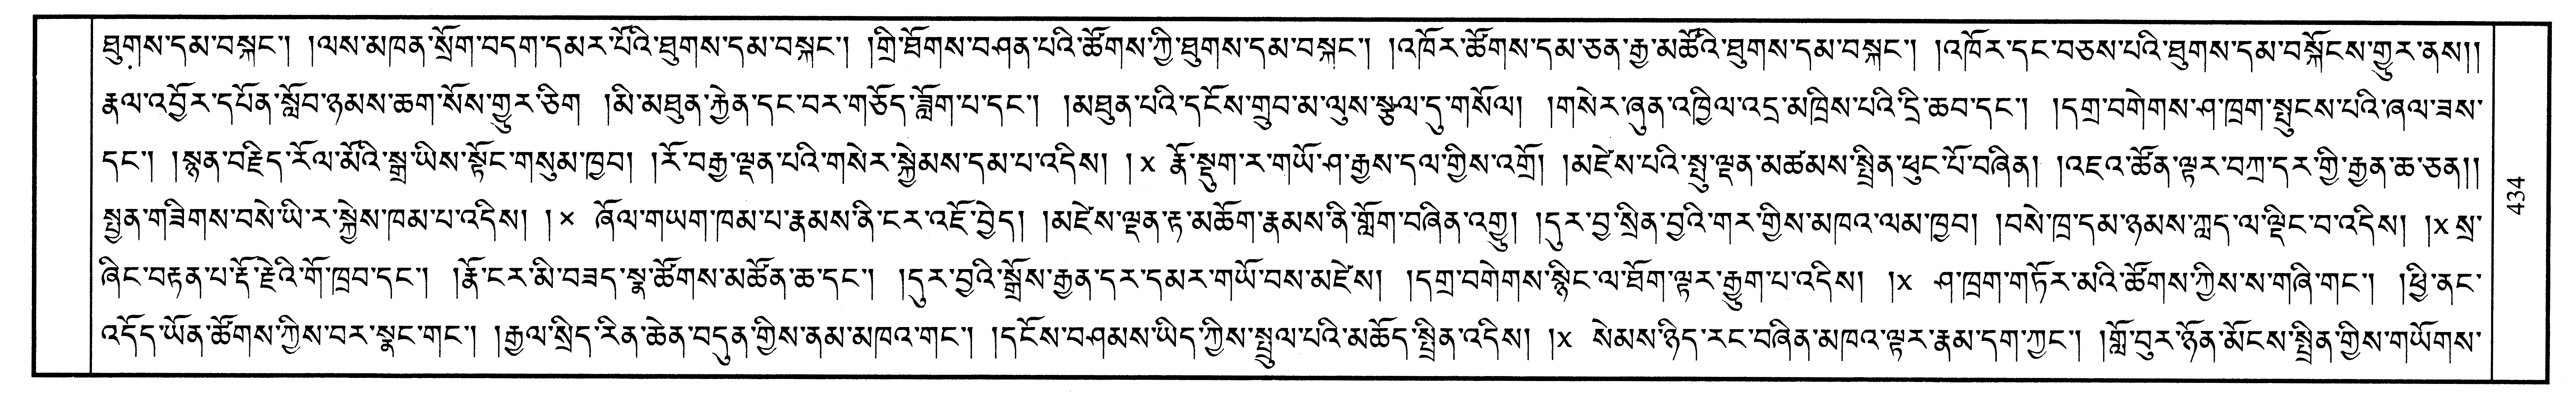ཐུགས་དམ་བསྐང་། །ལས་མཁན་སྲོག་བདག་དམར་པོའི་ཐུགས་དམ་བསྐང་། །གྲི་ཐོགས་བཤན་པའི་ཚོགས་ཀྱི་ཐུགས་དམ་བསྐང་། །འཁོར་ཚོགས་དམ་ཅན་རྒྱ་མཚོའི་ཐུགས་དམ་བསྐང་། །འཁོར་དང་བཅས་པའི་ཐུགས་དམ་བསྐོངས་གྱུར་ནས།།
རྣལ་འབྱོར་དཔོན་སློབ་ཉམས་ཆགས་སོས་གྱུར་ཅིག །མི་མཐུན་རྐྱེན་དང་བར་གཅོད་ཟློག་པ་དང་། །མཐུན་པའི་དངོས་གྲུབ་མ་ལུས་སྩལ་དུ་གསོལ། །གསེར་ཞུན་འཁྱིལ་འདྲ་མཁྲིས་པའི་དྲི་ཆབ་དང་། །དགྲ་བགེགས་ཤ་ཁྲག་སྤུངས་པའི་ཞལ་ཟས་
དང་། །སྙན་བརྗིད་རོལ་མོའི་སྒྲ་ཡིས་སྟོང་གསུམ་ཁྱབ། །རོ་བརྒྱ་ལྡན་པའི་གསེར་སྐྱེམས་དམ་པ་འདིས། །྾་རྣོ་སྡུག་ར་གཡོ་ཤ་རྒྱས་དལ་གྱིས་འགྲོ། །མཛེས་པའི་སྤུ་ལྡན་མཚམས་སྤྲིན་ཕུང་པོ་བཞིན། །འཇའ་ཚོན་ལྟར་བཀྲ་དར་གྱི་རྒྱན་ཆ་ཅན།།
སྤྱན་གཟིགས་བསེ་ཡི་ར་སྐྱེས་ཁམ་པ་འདིས། །྾་ཞོལ་གཡག་ཁམ་པ་རྣམས་ནི་ངར་འཇོ་བྱེད། །མཛེས་ལྡན་རྟ་མཆོག་རྣམས་ནི་གློག་བཞིན་འགྱུ། །དུར་བྱ་སྲིན་བྱའི་གར་གྱིས་མཁའ་ལམ་ཁྱབ། །བསེ་ཁྲ་དམ་ཉམས་ཀླད་ལ་ལྡིང་བ་འདིས། །྾་སྲ་
ཞིང་བརྟན་པ་རྡོ་རྗེའི་གོ་ཁྲབ་དང་། །རྣོ་ངར་མི་བཟད་སྣ་ཚོགས་མཚོན་ཆ་དང་། །དུར་བྱའི་སྒྲོས་རྒྱན་དར་དམར་གཡོ་བས་མཛེས། །དགྲ་བགེགས་སྙིང་ལ་ཐོག་ལྟར་རྒྱུག་པ་འདིས། །྾་ཤ་ཁྲག་གཏོར་མའི་ཚོགས་ཀྱིས་ས་གཞི་གང་། །ཕྱི་ནང་
འདོད་ཡོན་ཚོགས་ཀྱིས་བར་སྣང་གང་། །རྒྱལ་སྲིད་རིན་ཆེན་བདུན་གྱིས་ནམ་མཁའ་གང་། །དངོས་བཤམས་ཡིད་ཀྱིས་སྤྲུལ་པའི་མཆོད་སྤྲིན་འདིས། །྾་སེམས་ཉིད་རང་བཞིན་མཁའ་ལྟར་རྣམ་དག་ཀྱང་། །གློ་བུར་ཉོན་མོངས་སྤྲིན་གྱིས་གཡོགས་